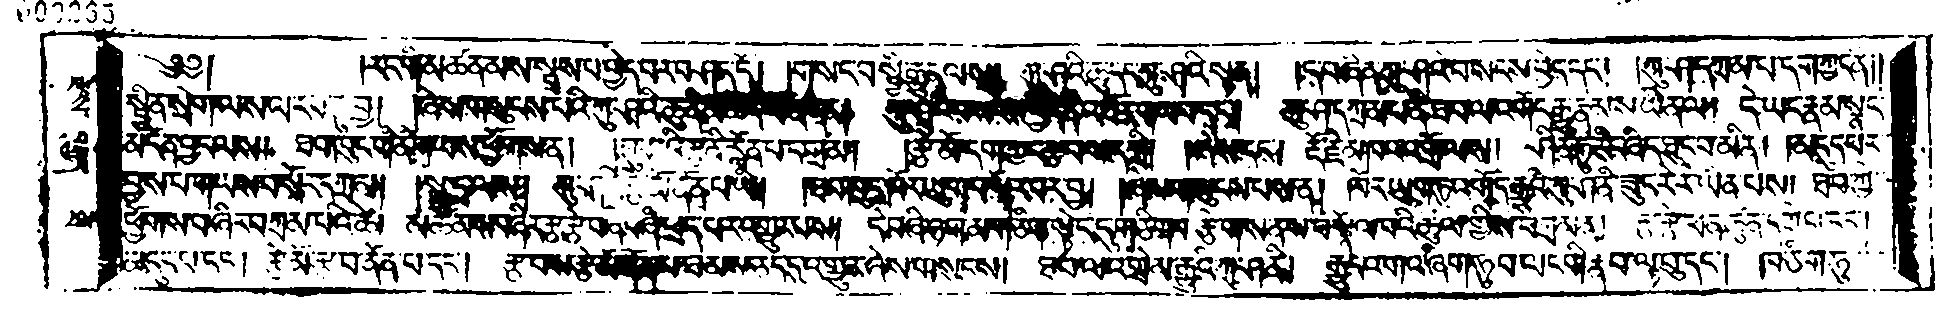༄༅། །རང་གི་མཚན་མས་སྤྲས་པ་བྱེད་པར་བཤད་དོ། །གསང་བ་སྤྱི་རྒྱུད་ལས། ཀུ་ཤའི་ཆུ་དང་ཀུ་ཤའི་སྟན། །དེ་བཞིན་ཀུ་ཤའི་བསངས་བྱེད་དང་། །ཀུ་ཤ་དཀྲམ་པ་དག་ཀྱང་ནི།།
སྦྱིན་སྲེག་ལས་ལ་རབ་ཏུ་བྱ། །ཞེས་གསུངས་པའི་ཀུ་ཤའི་ཆུ་ནི་མཆོད་ཡོན་དང་། ཀུ་ཤའི་བསངས་བྱེད་ནི་འཐོར་གཡབ་དང་། ཀུ་ཤ་དཀྲམ་པ་ནི་ཐབ་ལ་འགོད་རྒྱུ་རྣམས་ཡིན་ལ། དེ་ཡང་རྣམ་སྣང་
མངོན་བྱང་ལས། ཐབ་ཁུང་གི་ནི་གཡས་ཕྱོགས་ན། །ཀུ་ཤའི་རྩ་ནི་རློན་པ་དགྲམ། །རྩེ་མོ་དག་ཀྱང་རྩབས་དཀྲི། །ཞེས་དང་། རྡོ་རྗེ་མཁཱ་འགྲོ་ལས། ཤིན་ཏུ་རིང་ཞིང་ཐུང་བ་མིན། །མདུད་པར་
བྱས་པ་གཡས་བསྐོར་དཀྲམ། །སྒྱུ་དྲ་ལས། ཀུ་ཤའི་རྩེ་མོ་ནོན་པ་ཡི། །ཐབ་ཁུང་ཁོར་ཡུག་བསྐོར་བར་བྱ། །ཞེས་གསུངས་པས་ན། ཁོར་ཡུག་ཏུ་འགོད་རྒྱུའི་ཀུ་ཤ་ནི་ཟུང་རེ་རེ་ཡིན་པས། ཐབ་ཀྱི་
ཕྱོགས་བཞིར་བཀྲམ་པའི་ཚེ། མཚམས་བཞིར་རྩ་རྩེ་བཞི་བཞི་ཕྲད་པར་འགྱུར་པས། དེ་བཞི་ཉག་མ་གཅིག་སྟེང་དུ་གཅིག་བརྩེགས་ནས་བསྣོལ་བའི་ཚུལ་གྱིས་བཀྲམ་ན། རྩ་རྩེ་ཕན་ཚུན་དཀྲི་པ་དང་།
མདུད་པ་དང་། རྩེ་མོ་རྩ་བ་ནོན་པ་དང་། རྩ་བས་རྩེ་མོ་ནོན་པ་ཐམས་ཅད་དུ་འགྱུར་ཞེས་གསུངས། ཐབ་ལ་འགྲེམ་རྒྱུའི་ཀུ་ཤ་ནི། རྒྱུད་འགའ་ཞིག་ཏུ་བ་ལང་གི་རྣ་བ་ལྟ་བུ་དང་། ཁ་ཅིག་ཏུ་